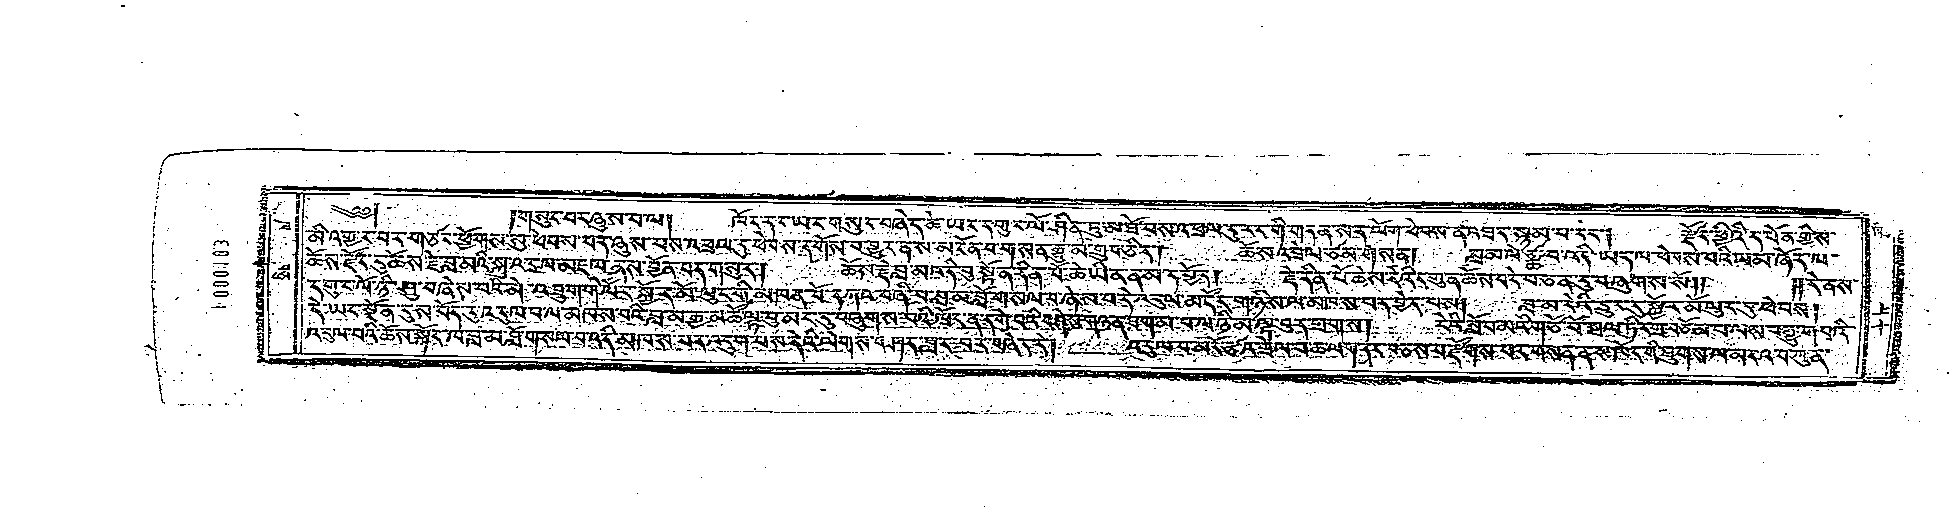༄༅། །གསུང་བར་ཞུས་བ་ལ། ཁོང་རང་ཡང་གསུང་བཞེད་ཆེ་ཡང་དགུང་ལོ་ཤིན་ཏུ་མཐོ་བས་འཕྲལ་དུ་རང་གི་གདན་སར་ལོག་ཕེབས་ན་འཐད་སྙམ་པ་དང་། རྫོང་ཕྱིའི་དཔོན་གྱིས་
མི་འགྱར་བར་གཙང་ཕྱོགས་སུ་ཕེབས་བར་ཞུས་པས་འཕྲལ་དུ་ཕེབས་དགོས་པ་བྱུང་ནས་མངོན་བ་གསན་རྒྱུ་མ་གྲུབ་ཅིང་། ཆོས་འབྲེལ་ཙམ་གསན། བླ་མ་ལོ་ཙྪ་བ་འདི་ཡར་ལ་ཕེབས་པའི་ལམ་ཞོར་ལ་
ཆོས་རྫོང་དུ་ཆོས་རྗེ་བླ་མའི་སྐུ་འདྲ་ལ་མཇལ་ནས་བྱོན་བད་གསུང་། ཆོས་རྗེ་བླ་མ་འདི་བུ་སྟོན་རིན་པོ་ཆེ་ཡིན་ནམ་དཔྱོད། རྗེ་རིན་པོ་ཆེས་དེའི་དགུན་ཆོས་བདེ་བ་ཅན་དུ་བཞུགས་སོ།། །།དེ་ནས་
དགུང་ལོ་ཉི་ཤུ་བཞེས་བའི་མེ་འབྲུག་གི་ལོར་སྐྱོར་མོ་ལུང་གི་མཁན་པོ་དཀའ་བཞི་པ་བླ་མ་བློ་གསལ་བ་ཞེས་པ་དེ་འདུལ་མཛོད་གཉིས་ལ་མཁས་པར་བྱེད་པས། བླ་མ་དེའི་དྲུང་དུ་སྐྱོར་མོ་ལུང་བུ་ཕེབས།
དེ་ཡང་སྔོན་དུས་བོད་དུ་འདུལ་བ་ལ་མཁས་བའི་བླ་མ་རྒྱ་མཚོ་ལྟ་བུ་མང་དུ་བཞུགས་པའི་ཁྲོད་ན་དགེ་བའི་བཤེས་གཉེན་ཐག་མ་པ་ལ་ཉི་མ་ལྟ་བུར་གྲགས། དེའི་སློབ་མའི་གཙོ་བོ་སྤལ་ཏི་དགྲ་བཅོམ་པ་ལས་པ་རྒྱུག་པའི་
འདུལ་བའི་ཆོས་སྐོར་ལ་བླ་མ་བློ་གསལ་བ་འདི་མཁས་པར་འདུག་པས་དེའི་ལེགས་བཤད་བླང་བར་བཞེད་དེ། འདུལ་བ་མདོ་རྩ་འགྲེལ་པ་ཆ་ལག་དང་བཅས་པ་རྫོགས་པར་གསན་ནས་ཁོད་གི་ཐུགས་ལ་མངའ་བ་ཀུན་